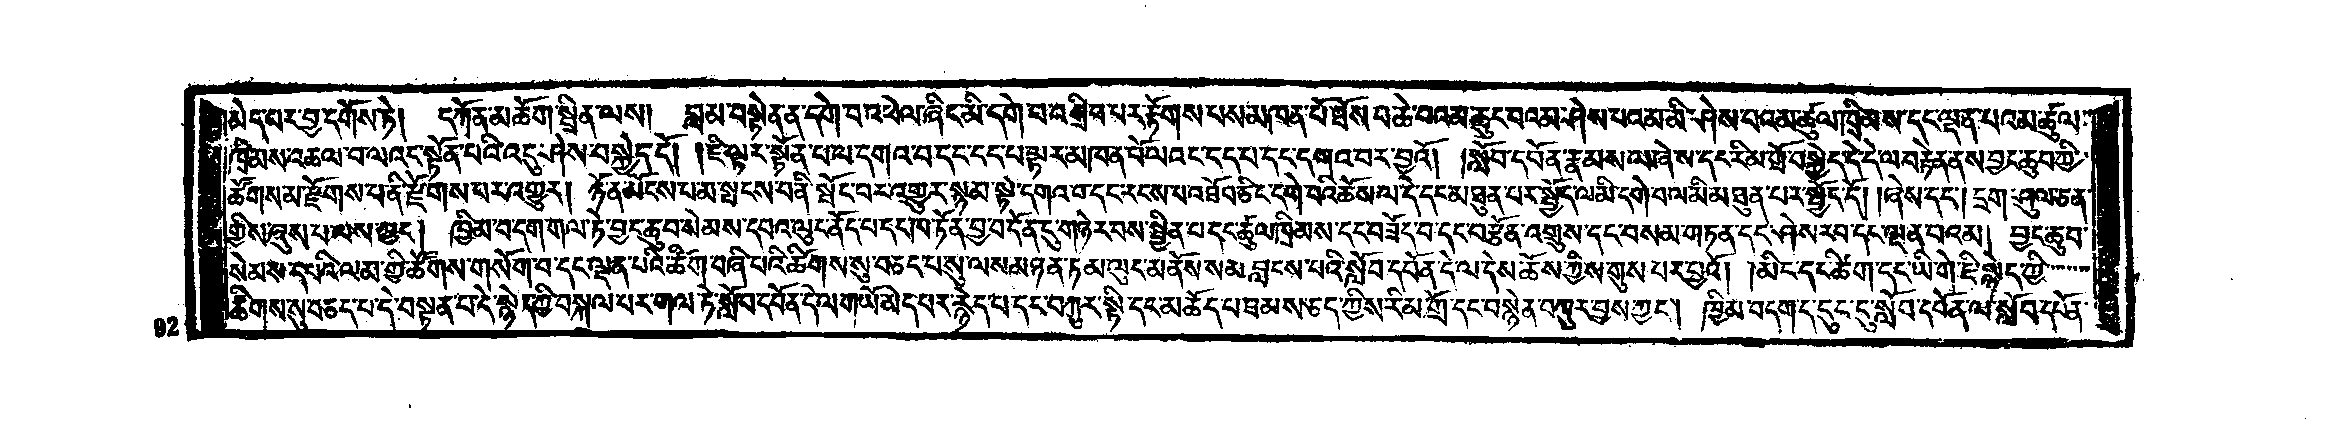མེད་པར་བྱ་དགོས་ཏེ། དཀོན་མཆོག་སྤྲིན་ལས། བླ་མ་བསྟེན་ན་དགེ་བ་འཕེལ་ཞིང་མི་དགེ་བ་འགྲིབ་པར་རྟོགས་པས་མཁན་པོ་ཐོས་པ་ཆེ་བའམ་ཆུང་བའམ་ཤེས་པའམ་མི་ཤེས་པའམ་ཚུལ་ཁྲིམས་དང་ལྡན་པའམ་ཚུལ་
ཁྲིམས་འཆལ་བ་ལའང་སྟོན་པའི་འདུ་ཤེས་བསྐྱེད་དོ། །ཇི་ལྟར་སྟོན་པ་ལ་དགའ་བ་དང་དད་པ་ལྟར་མཁན་པོ་ལའང་དད་པ་དང་དགའ་བར་བྱའོ། །སློབ་དཔོན་རྣམས་ལ་ཞེ་ས་དང་རིམ་གྲོ་བསྐྱེད་དེ་དེ་ལ་བརྟེན་ནས་བྱང་ཆུབ་ཀྱི་
ཚོགས་མ་རྫོགས་པ་ནི་རྫོགས་པར་འགྱུར། ཉོན་མོངས་པ་མ་སྤངས་པ་ནི་སྤོང་བར་འགྱུར་སྙམ་སྟེ་དགའ་བ་དང་རངས་པ་འཐོབ་ཅིང་དགེ་བའི་ཆོས་ལ་དེ་དང་མཐུན་པར་སྤྱོད་ལ་མི་དགེ་བ་ལ་མི་མཐུན་པར་སྤྱོད་དོ། །ཞེས་དང་། དྲག་ཤུལ་ཅན་
གྱིས་ཞུས་པ་ལས་ཀྱང་། ཁྱིམ་བདག་གལ་ཏེ་བྱང་ཆུབ་སེམས་དཔའ་ལུང་ནོད་པ་དང་ཁ་ཏོན་བྱ་བ་དོན་དུ་གཉེར་བས་སྦྱིན་པ་དང་ཚུལ་ཁྲིམས་དང་བཟོད་པ་དང་བརྩོན་འགྲུས་དང་བསམ་གཏན་དང་ཤེས་རབ་དང་ལྡན་པའམ། བྱང་ཆུབ་
སེམས་དཔའི་ལམ་གྱི་ཚོགས་གསོག་པ་དང་ལྡན་པའི་ཚིག་བཞི་པའི་ཚིགས་སུ་བཅད་པ་སུ་ལས་མཉན་ཏམ་ལུང་མནོས་སམ་བླངས་པའི་སློབ་དཔོན་དེ་ལ་དེས་ཆོས་ཀྱིས་གུས་པར་བྱའོ། །མིང་དང་ཚིག་དང་ཡི་གེ་ཇི་སྙེད་ཀྱི་
ཚིགས་སུ་བཅད་པ་དེ་བསྟན་པ་དེ་སྙེད་ཀྱི་བསྐལ་པར་གལ་ཏེ་སློབ་དཔོན་དེ་ལ་གཡོ་མེད་པར་རྙེད་པ་དང་བཀུར་སྟི་དང་མཆོད་པ་ཐམས་ཅད་ཀྱིས་རིམ་གྲོ་དང་བསྙེན་བཀུར་བྱས་ཀྱང་། ཁྱིམ་བདག་ད་དུང་དུ་སློབ་དཔོན་ལ་སློབ་དཔོན་